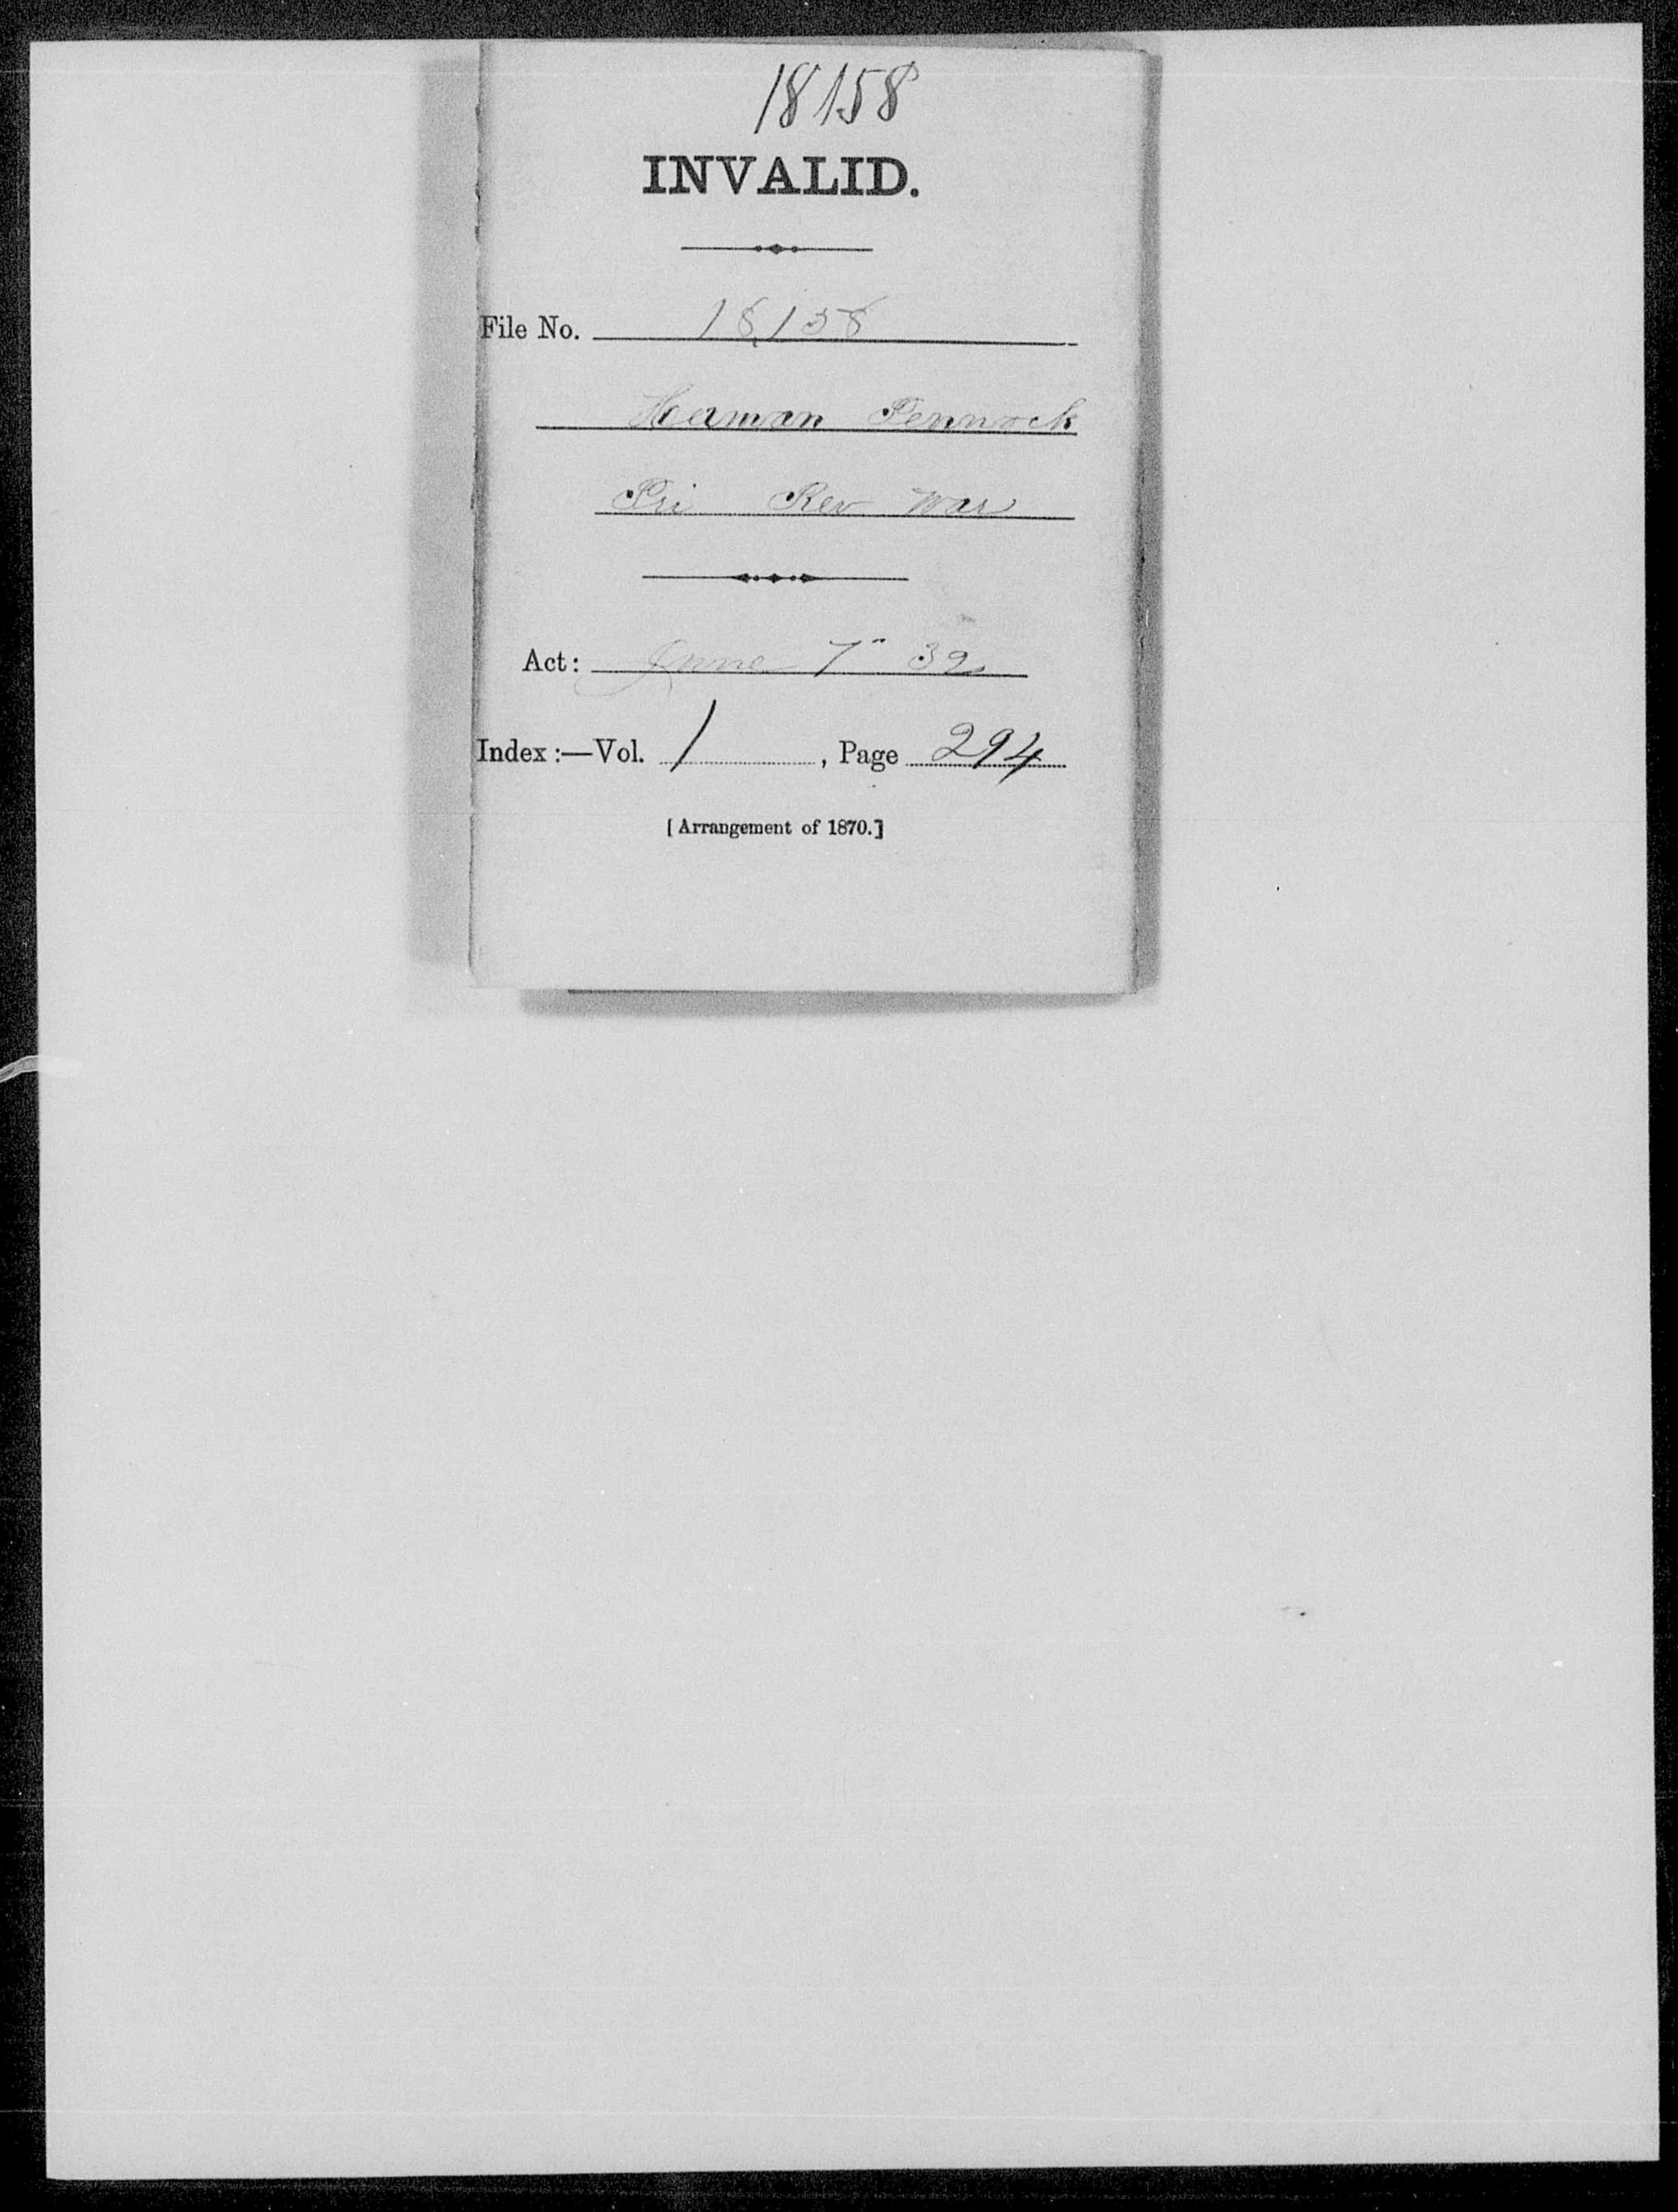18158
INVALID

File No. 18158
Haman Pennock
Pri Rev War

Act: June 7th 32
Index:-Vol. 1. Page 294

[Arrangement of 1870.]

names: Herman Pennock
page: 3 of 12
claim: survivor's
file: S. 18,158, for Haman Pennock, Vermont